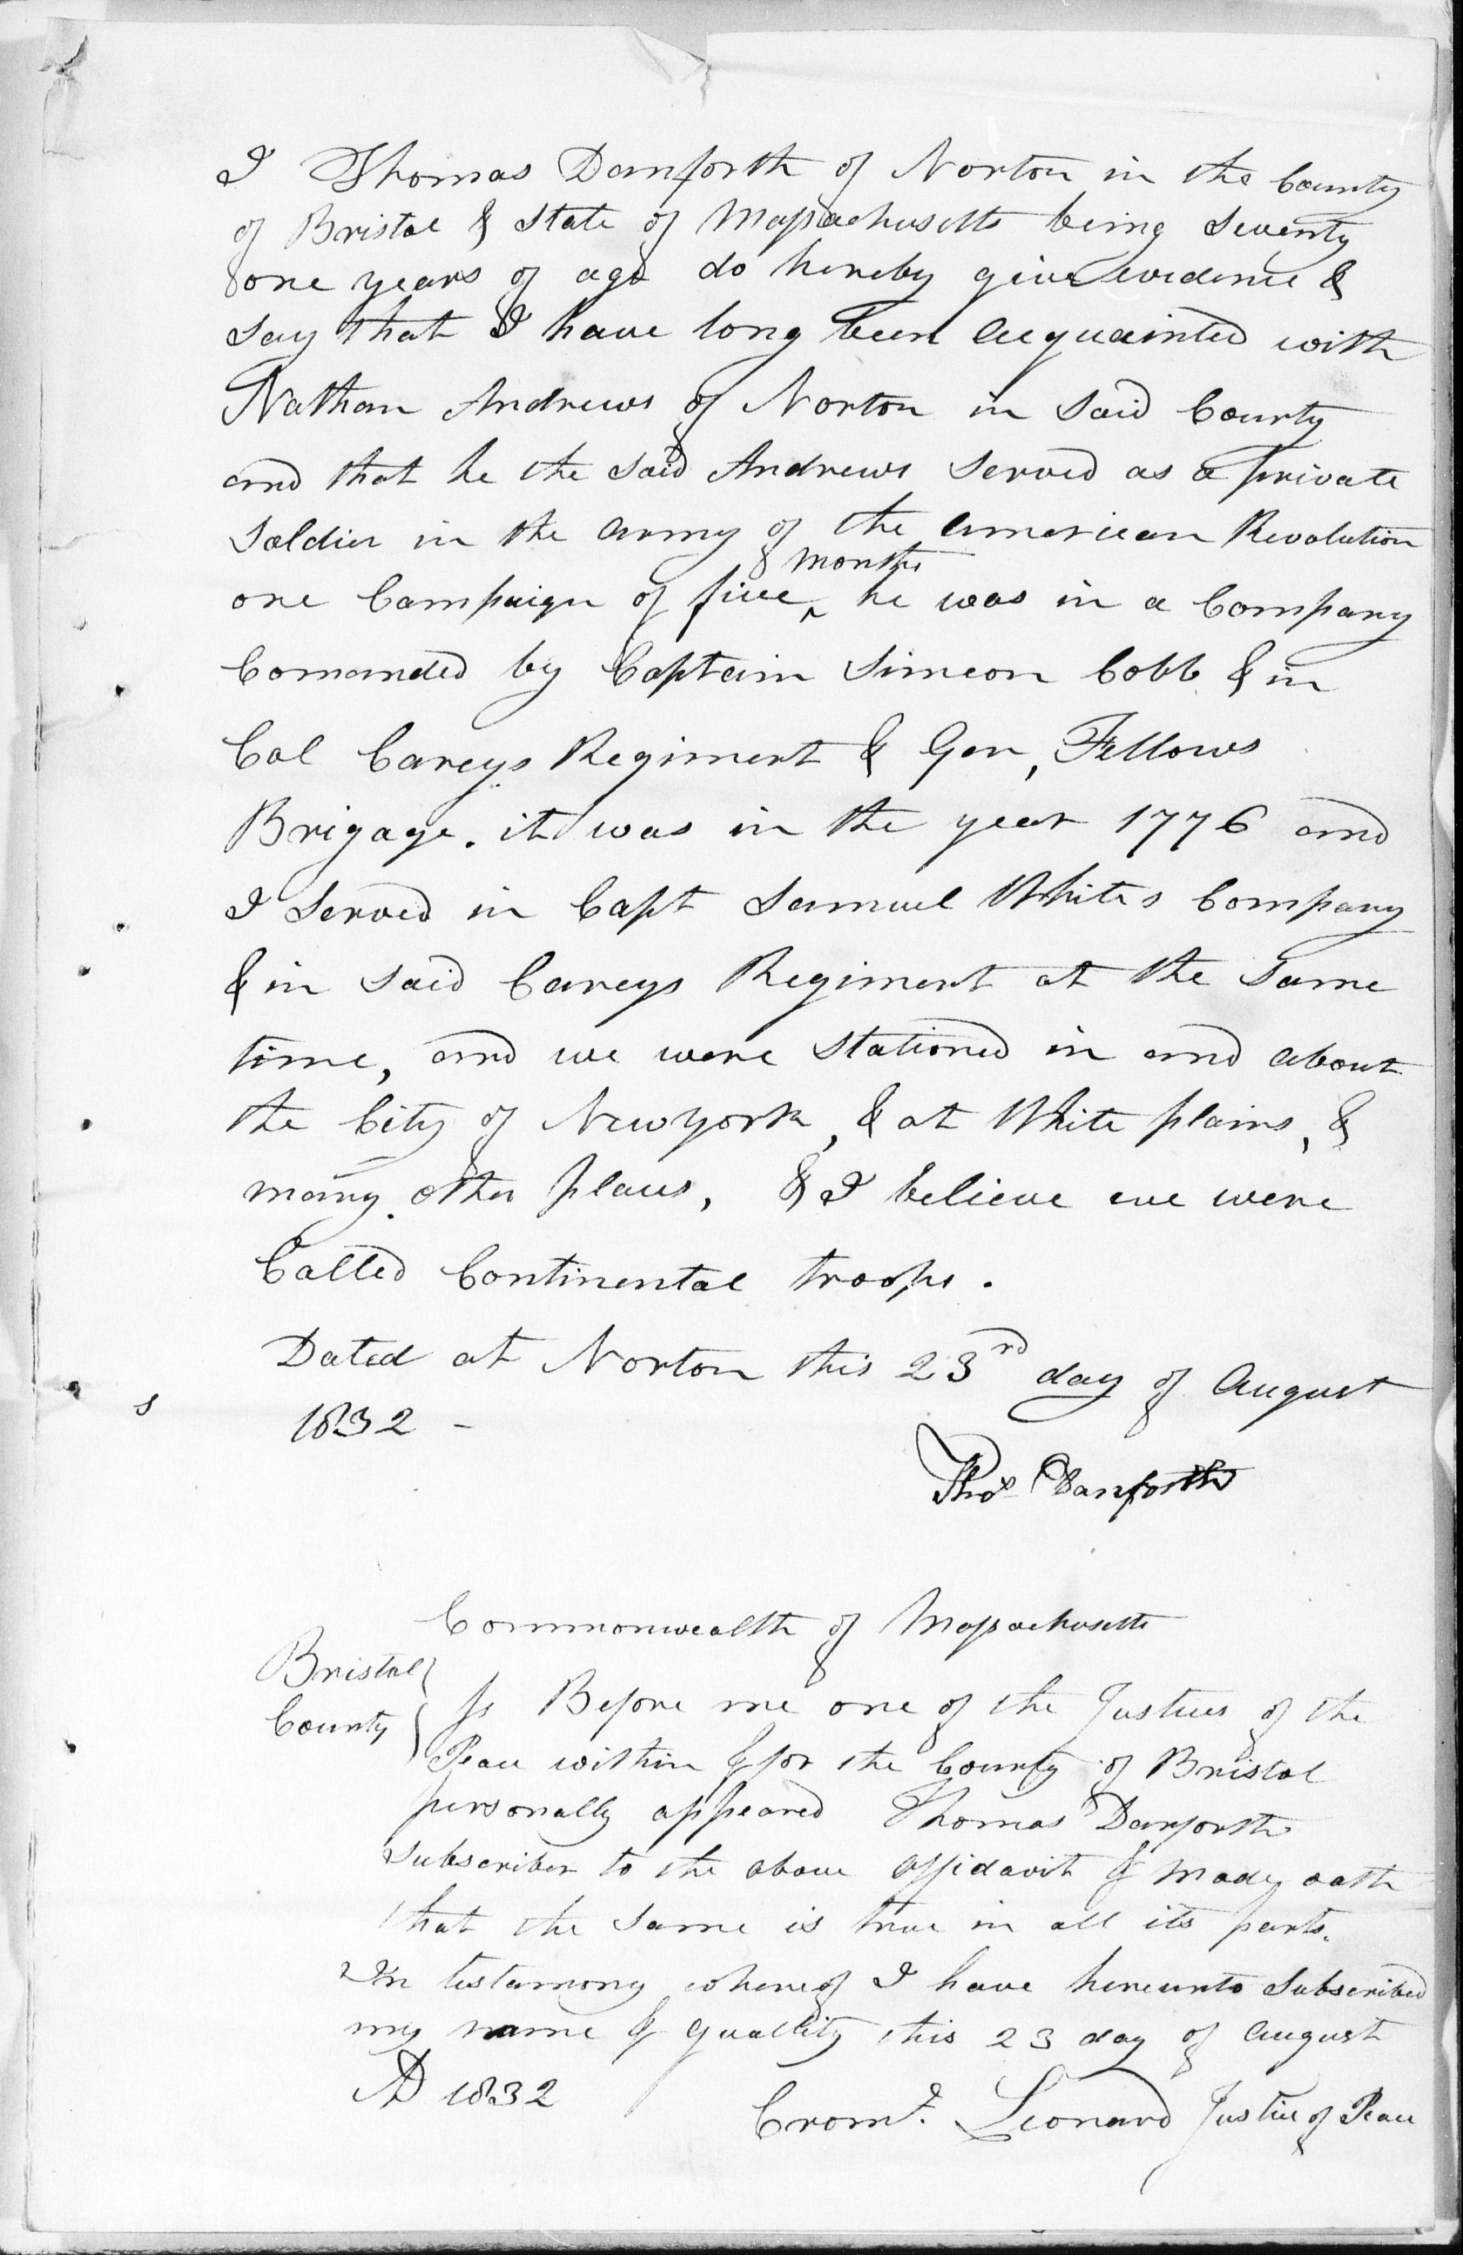I Thomas Danforth of Norton in the County of Bristol & State of Massachusetts being seventy one years of age do hereby give evidence & say that I have long been acquainted with Nathan Andrews of Norton in said county and that he the said Andrews served as a private soldier in the army of the American Revolution. one campaign of five months he was in a company commanded by Captain Simeon Cobb & in Col Carneys Regiment & Gen Fellows Brigade. it was in the year 1776 and I served in Capt Samuel Whites company & in said Carney's regiment at the same time, and we were stationed in and about the city of New York & at White Plains & many other places & I believe we were called Continental Troops Dated at Norton this 23rd day of August 1832. [signed Thos Danforth] 
Commonwealth of Massachusetts Brostol County SS Before me one of the Justices of the Peace within and for the county of Bristol personally appeared Thomas Danforth subscriber to the above affidavit & made oath that the same is true in all its parts. In testimony whereof I have hereunto subscribed my name& quality this 23 day of August AD 1832. Croml Leonard Justice of Peace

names: Nathan Andrews, Thomas Danforth, Thomas Danforth, Croml Leonard, Andrews, Simeon Cobb, Thos Danforth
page: 13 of 18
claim: survivor's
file: S. 29,590, Nathan Andrews, Mass R.I.